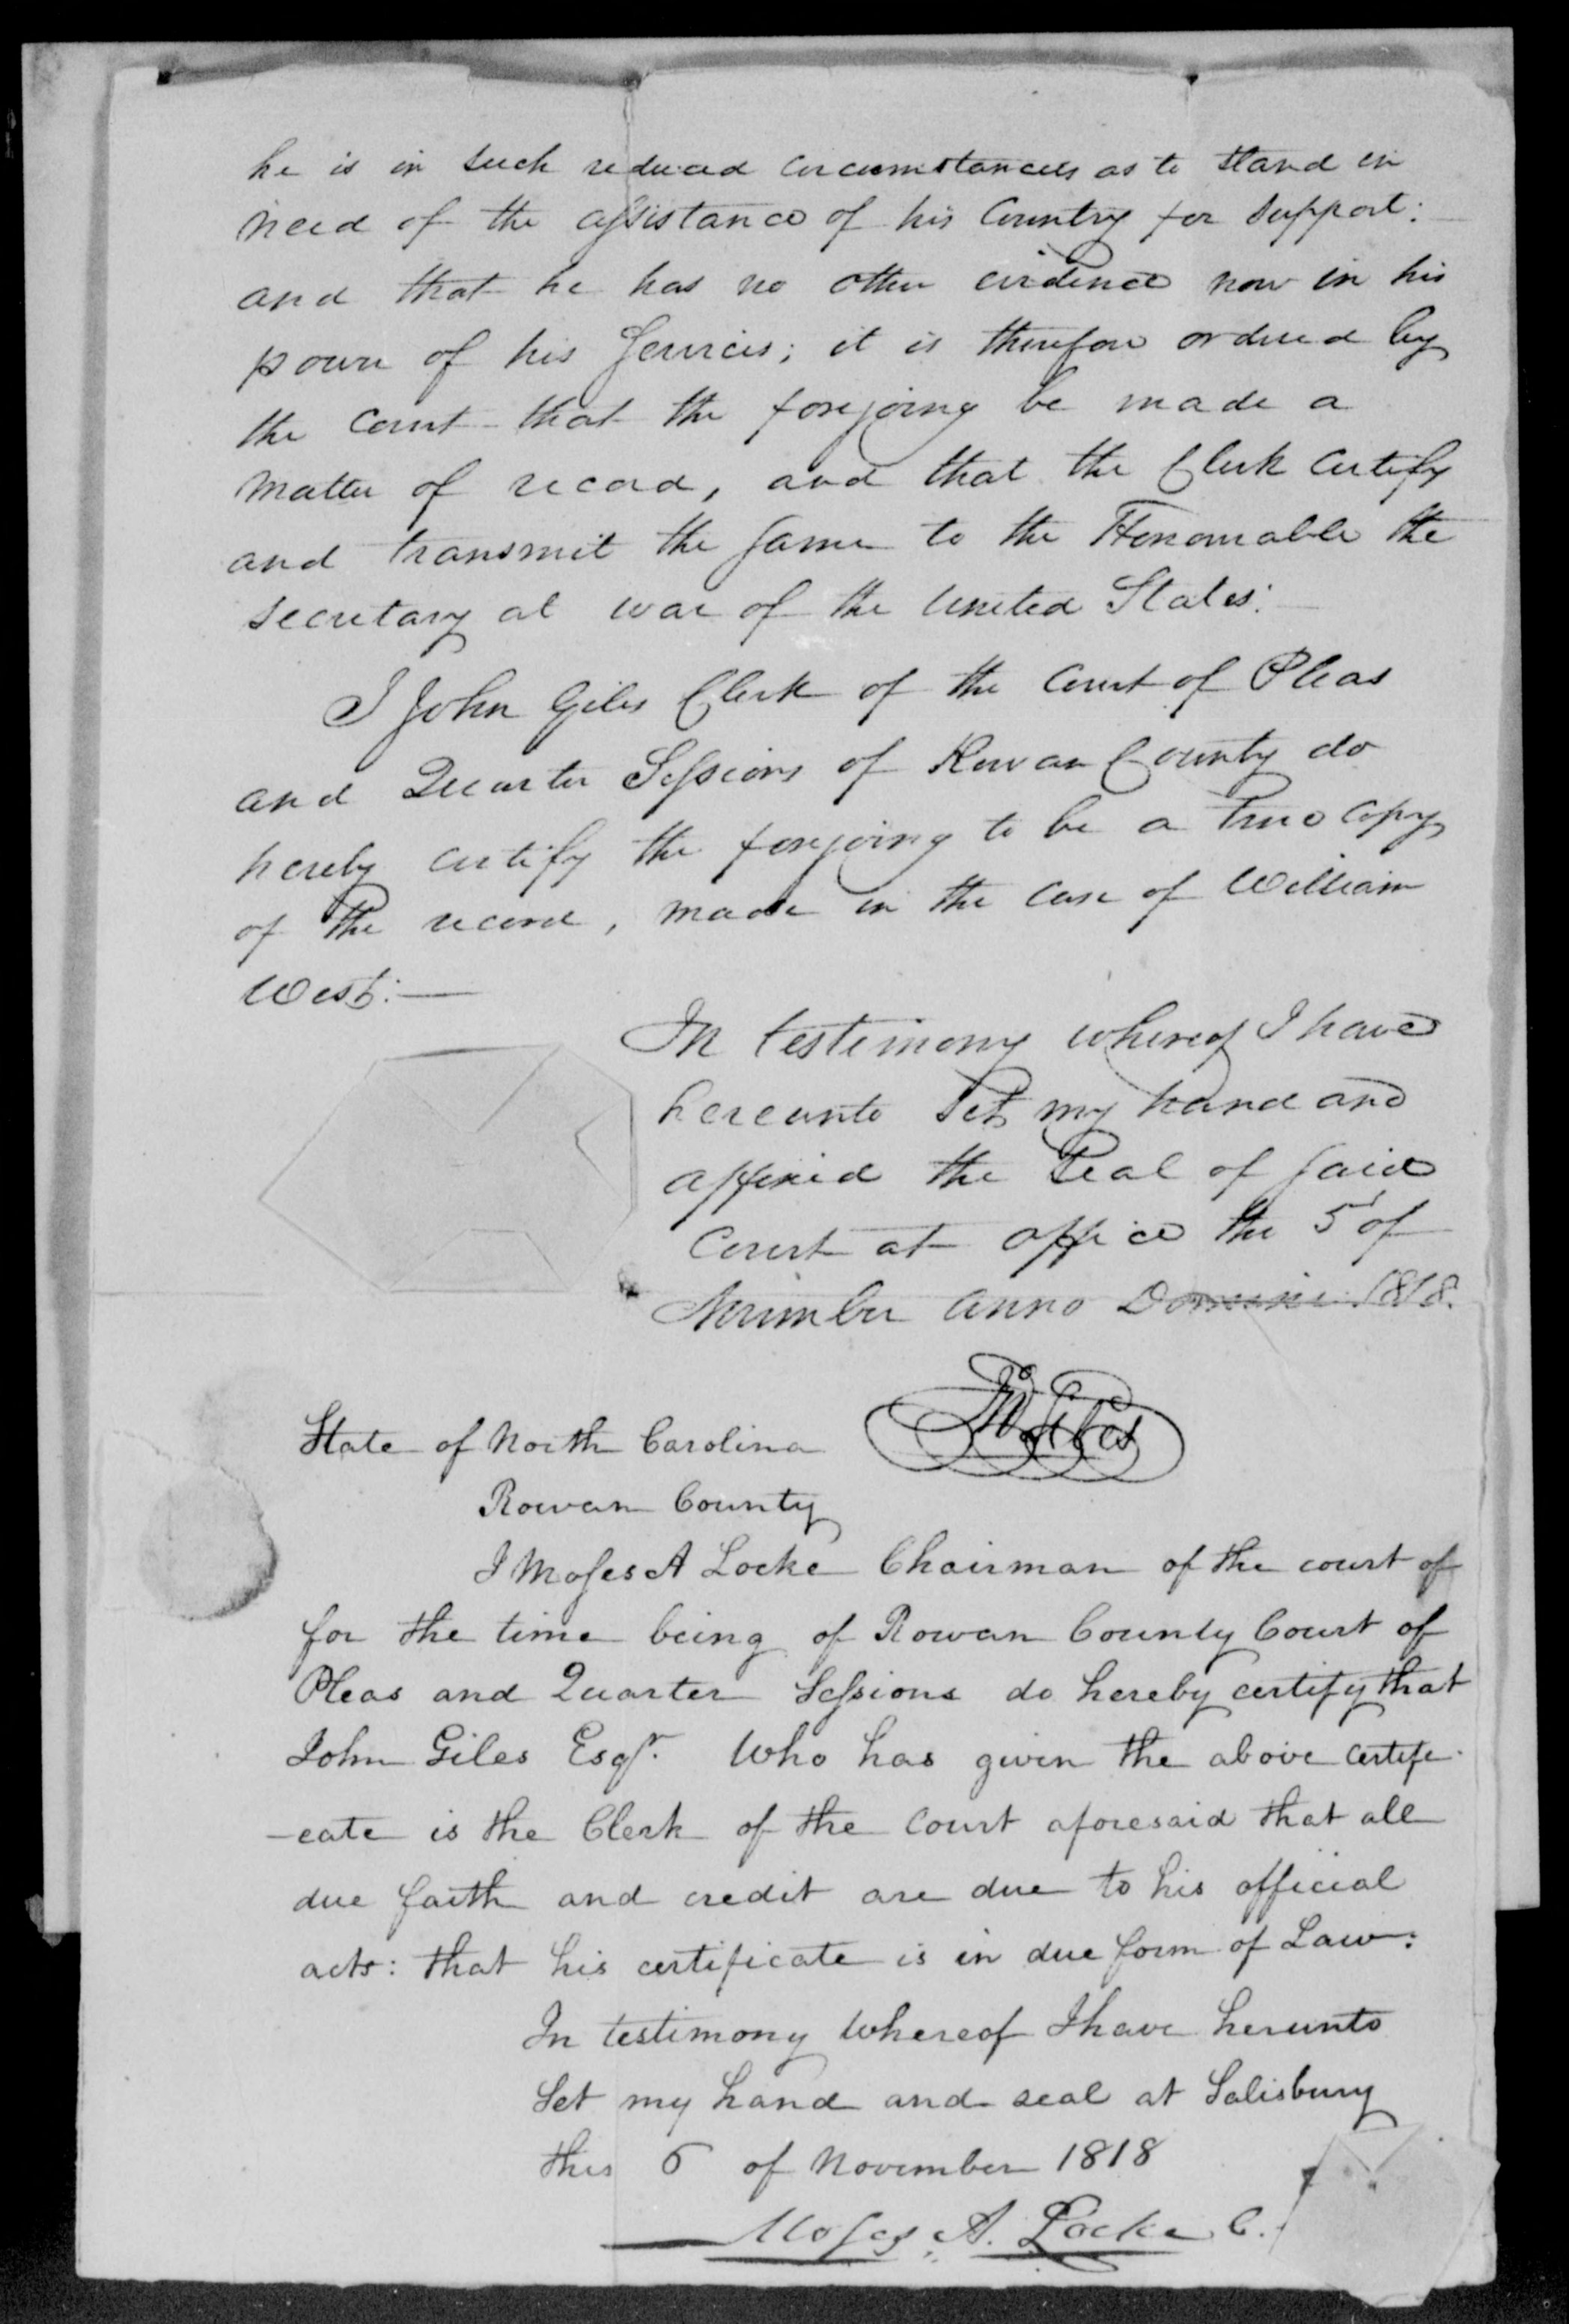he is in such reduced circumstances as to stand in
need of the assistance of his country for support:
and that he has no other evidence now in his
possession of his services; it is therefore ordered by
the court that the foregoing be made a
matter of record, and that the Clerk certify
and transmit the same to the Honorable the
Secretary at War of the United States:
S John Giles Clerk of the Court of Pleas
and Quarter Sessions of Rowan County do
hereby certify the foregoing to be a true copy
of the record, made in the case of William
West:
-
In testimony whereof I have
hereunto set my hand and
affixed the seal of said
Court at Office the 5' of
November Anno Domini 1818.
State of North Carolina
Rowan County
I Moses A Locke Chairman of the court of
for the time being of Rowan County Court of
Pleas and Quarter Sessions do hereby certify that
John Giles Esqr. who has given the above certificate
is the Clerk of the Court aforesaid that all
due faith and credit are due to his official
acts: that his certificate is in due form of Law:
In testimony whereof I have hereunto
Set my hand and seal at Salisbury
this 6 of November 1818
Moses A. Locke C.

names: William West, Moses A Locke, John Giles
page: 7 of 12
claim: survivor's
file: S. 42060, William West, Md.